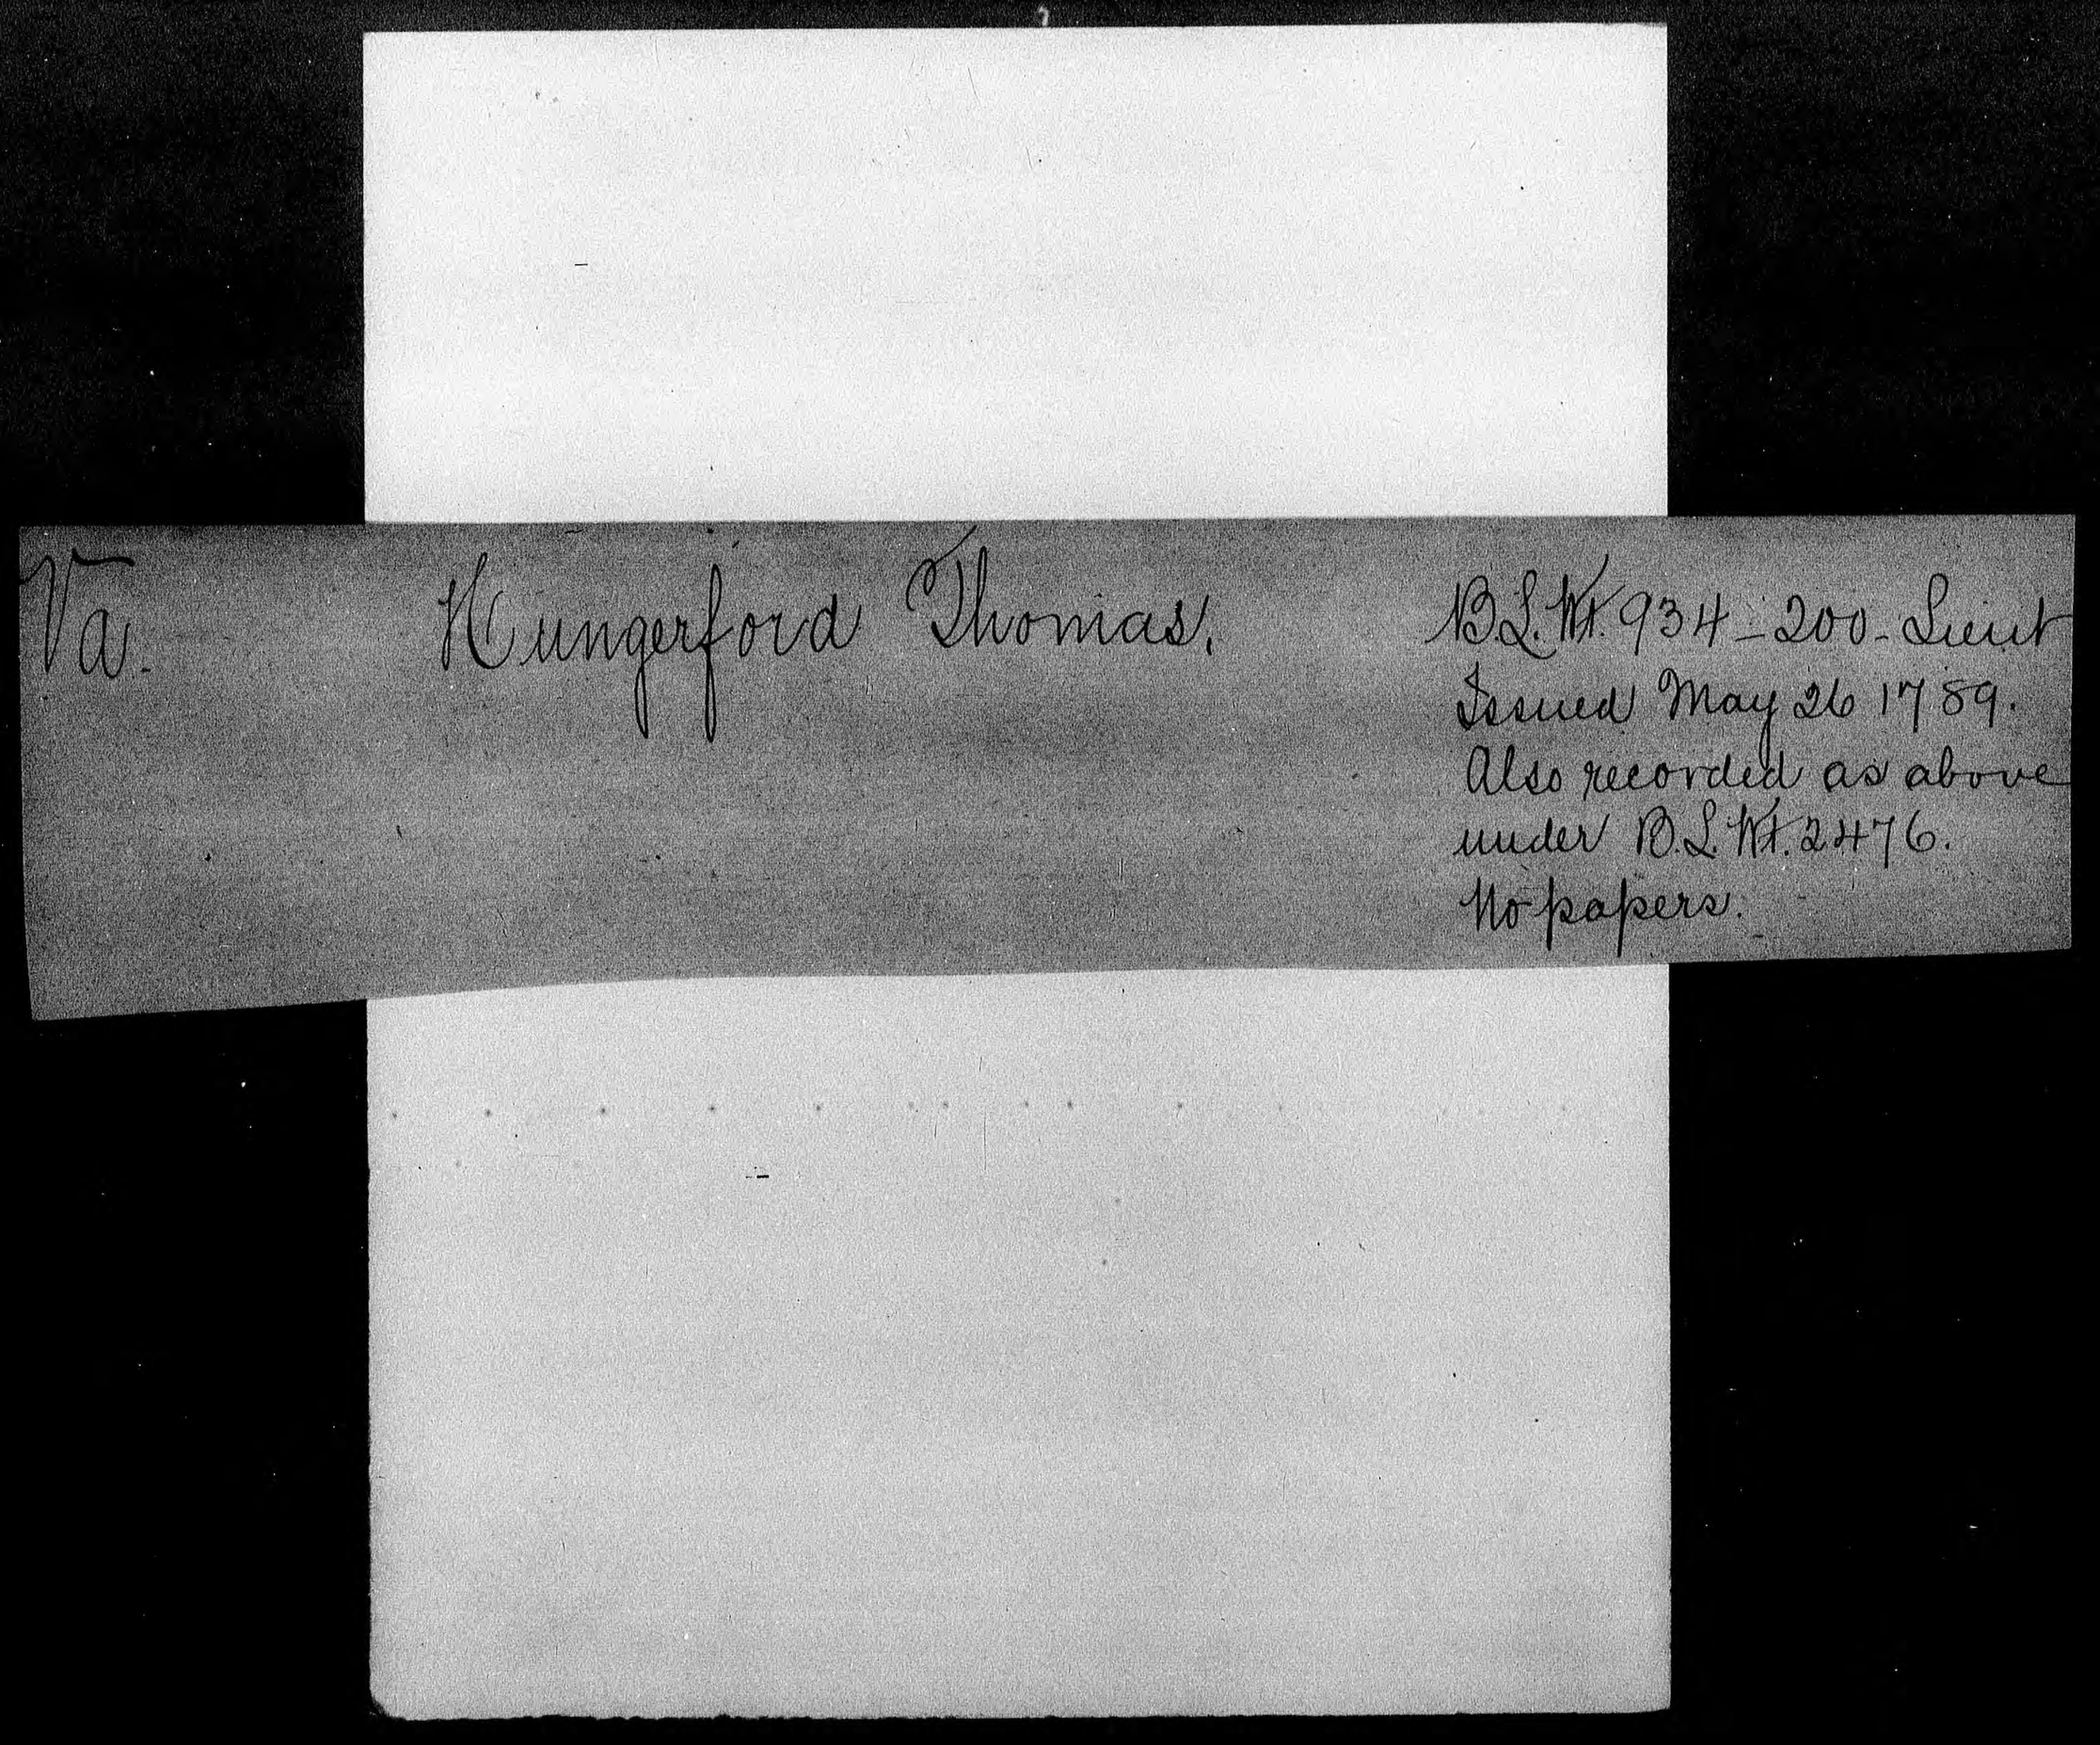Va. Hungerford Thomas
B.L.Wt. 934 - 200 - Lieut
Issued May 26 1789.
Also recorded as above under B.L.Wt. 2476.
No papers.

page: 2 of 7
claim: bounty land warrant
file: B. L. Wt. 934-200, Thomas Hungerford, Va.